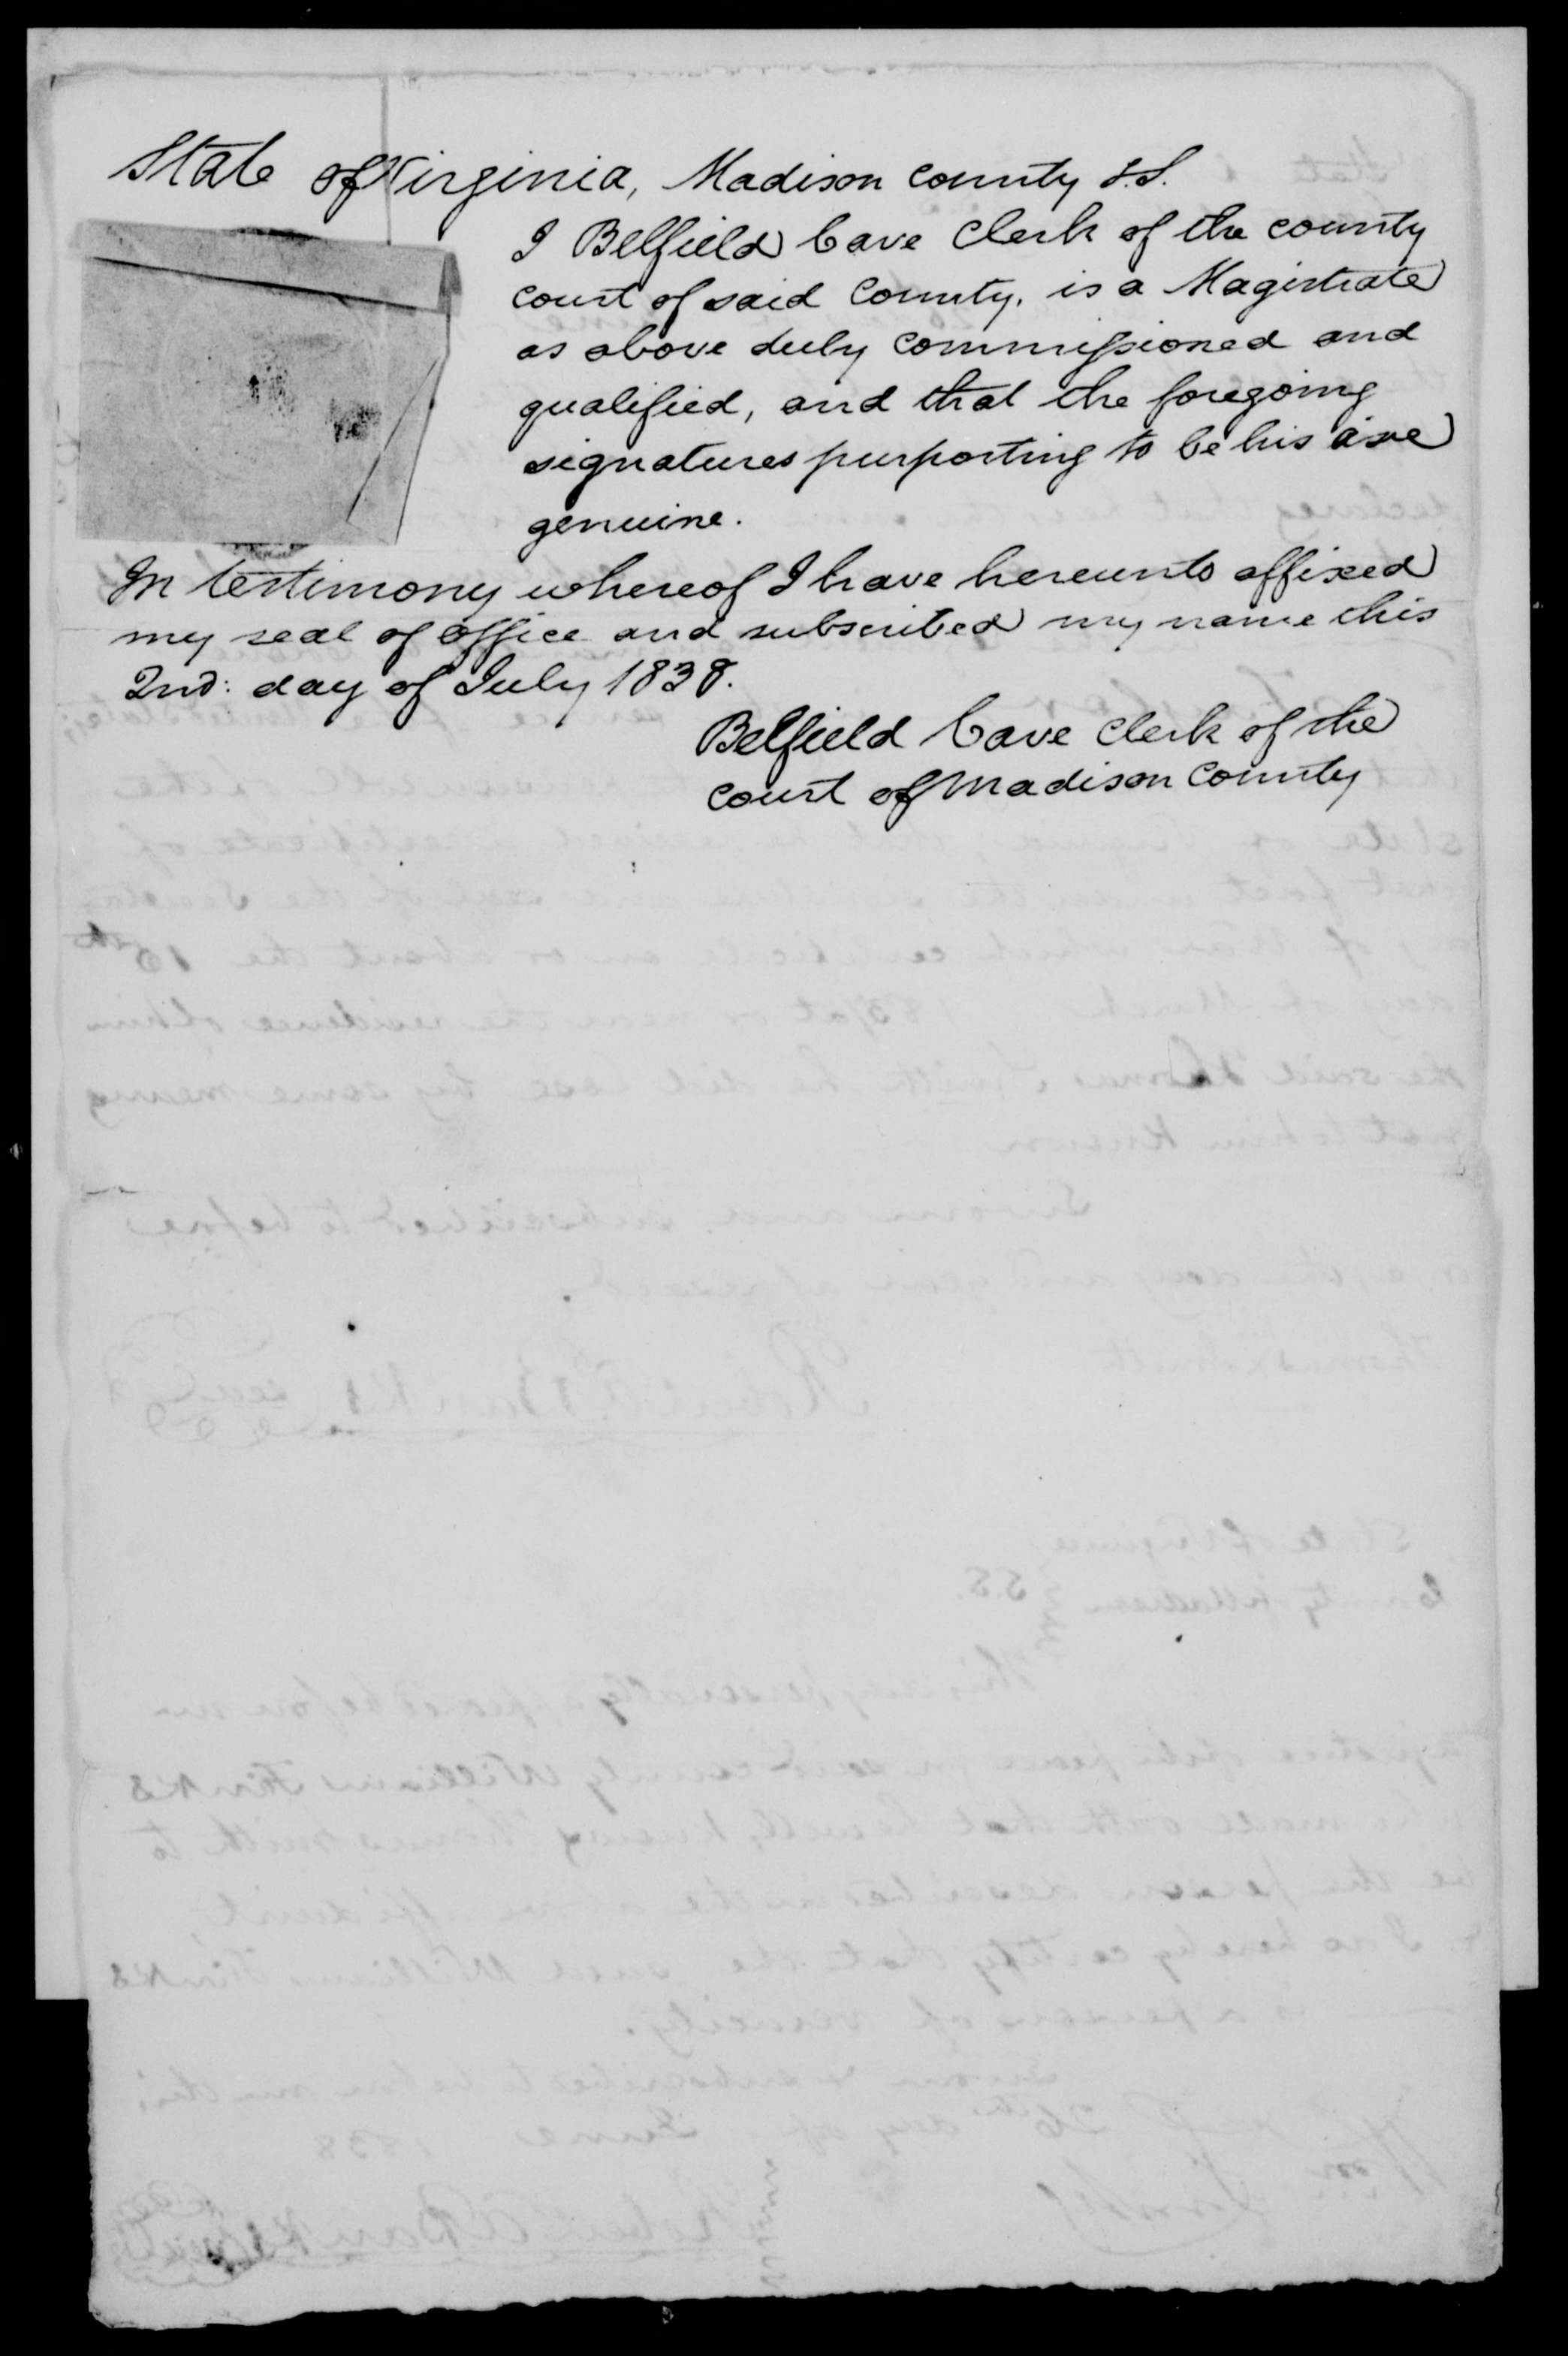State of Virginia, Madison County S.S.
I Belfield Cave Clerk of the county court of said County, is a Magistrate as above duly Commissioned and qualified, and that the foregoing signatures purporting to be his are genuine.
In testimony whereof I have hereunto affixed my seal of office and subscribed my name this 2nd day of July 1838.
Belfield Cave Clerk of the
Court of Madison County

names: Belfield Cave; Belfield Cave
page: 21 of 23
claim: survivor's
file: S. 6,125, for Thomas Smith, Virginia